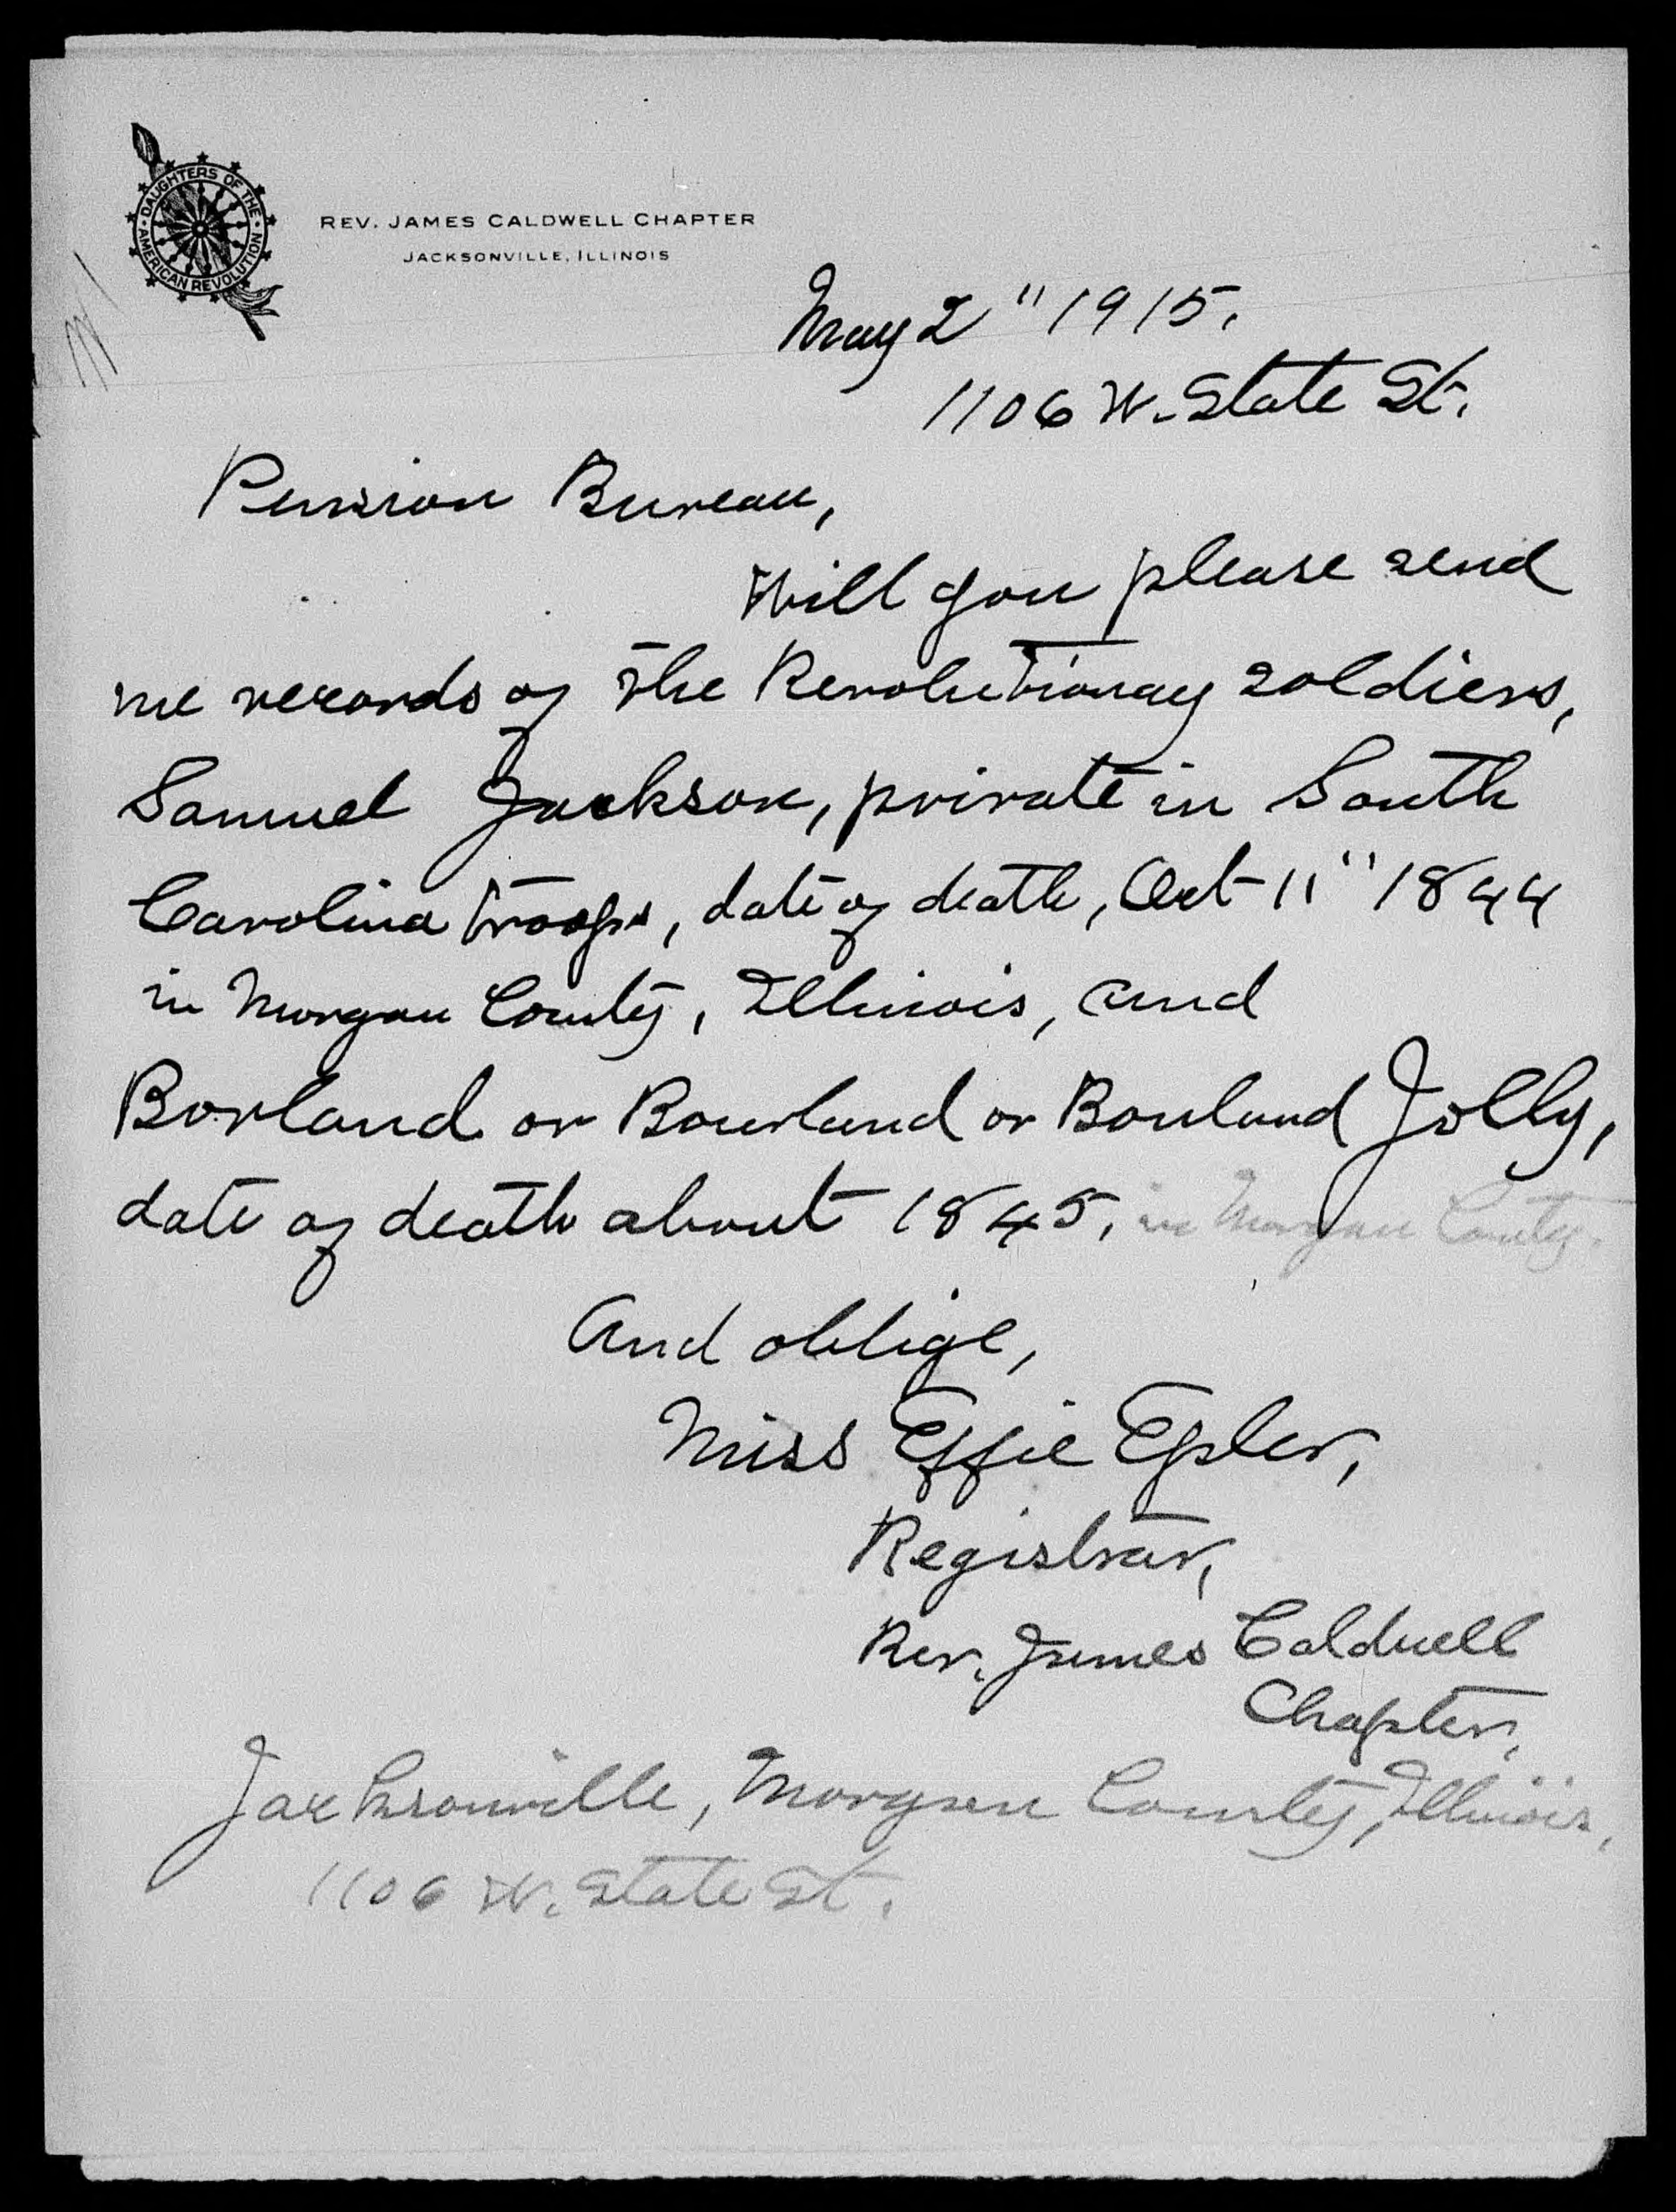DAUGHTERS OF THE AMERICAN REVOLUTION
JAMES CALDWELL CHAPTER
JACKSONVILLE, ILLINOIS

May 2" 1915,
1106 W State St.

Pension Bureau,
Will you please said
me records of the Revolutionary soldiers,
Samuel Jackson, private in South
Carolina troops, date of death, Oct 11 1844
in Morgan County, Illinois, and
Borland on Bourland or Bouland Jolly,
death about 1845, in Morgan Conty
And oblige,
Miss Effie Epler,
Registrar,
Rev. James Caldwell
Chapter
Jacksonville, Morgan County, Illinois
1106 W State St.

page: 45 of 56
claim: rejected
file: R 5529, for Samuel Jackson, Virginia